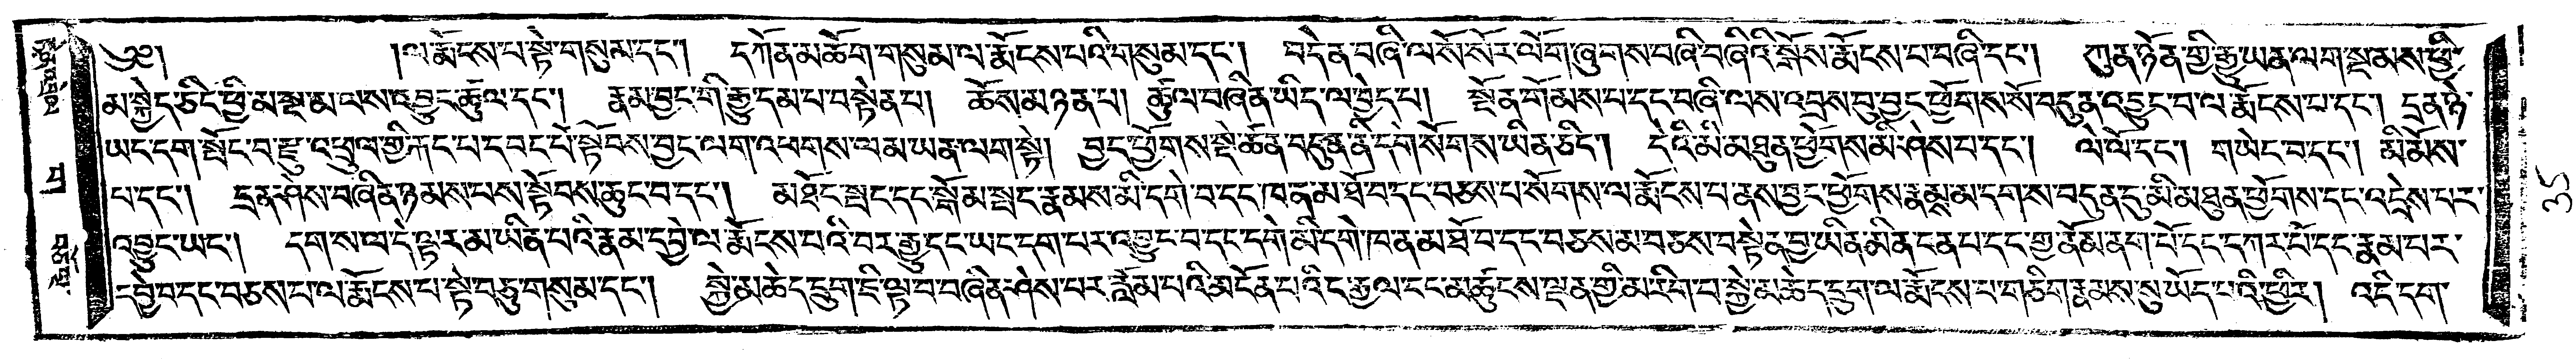༄༅། །ལ་རྨོངས་པ་སྟེ་གསུམ་དང་། དཀོན་མཆོག་གསུམ་ལ་རྨོངས་པའི་གསུམ་དང་། བདེན་བཞི་ལ་སོ་སོར་ལོག་ཞུགས་བཞི་བཞིའི་སོགས་རྨོངས་པ་བཞི་དང་། ཀུན་ཉོན་གྱི་རྒྱུ་ཡན་ལག་སྡམས་ཕྱི་
མ་སྐྱེད་ཅིང་ཕྱི་མ་སྔ་མ་ལས་འབྱུང་ཚུལ་དང་། རྣམ་བྱང་གི་རྒྱུ་དམ་པ་བསྟེན་པ། ཆོས་མཉམ་པ། ཚུལ་བཞི་ཉིད་ལ་བྱེད་པ། སྔོན་གོམས་པ་དང་བཞི་ལས་འབྲས་བུ་བྱང་ཕྱོགས་སོ་བདུན་འབྱུང་བ་ལ་རྨོངས་པ་དང་། དྲན་ཉེ་
ཡང་དག་སྤོང་བ་རྫུ་འཕྲུལ་གྱི་རྐང་པ་དབང་པོ་སྟོབས་བྱང་ལག་འཕགས་ལམ་ཡན་ལག་སྟེ། བྱང་ཕྱོགས་སྡེ་ཚན་བདུན་ནི་དགེ་སོགས་ཡིན་ཅིང་། དེའི་མི་མཐུན་ཕྱོགས་མི་ཤེས་པ་དང་། ལེ་ལོ་དང་། གཡེང་བ་དང་། མི་མོས་
པ་དང་། དྲན་ཤེས་བཞིན་ཉམས་པས་སྟོབས་ཆུང་བ་དང་། མཐོང་སྤང་དང་སྒོམ་སྤང་རྣམས་མི་དགེ་བ་དང་ཁན་མཐོ་བ་དང་བཅས་པ་སོགས་ལ་རྨོངས་པ་ནས་བྱང་ཕྱོགས་རྣམས་མ་དགས་བདུན་དུ་མི་མཐུན་ཕྱོགས་དང་འདྲེས་པར་
འབྱུང་ཡང་། དག་ས་ལ་དེ་ལྟར་མ་ཡིན་པའི་རྣམ་དབྱེ་ལ་རྨོངས་བའི་བར་རྒྱུ་དང་ཡང་དག་པར་འབྱུང་བ་དང་དགེ་མི་དགེ་ཁ་ན་མཐོ་བ་དང་བཅས་མ་བཅས་བསྟེན་བྱ་ཡིན་མིན་ངན་པ་དང་གྱ་ནོམ་ནག་པོ་དང་དཀར་པོ་དང་རྣམ་པར་
དབྱེ་བ་དང་བཅས་པ་ལ་རྨོངས་པ་སྟེ་བཅུ་གསུམ་དང་། སྐྱེ་མཆེད་དྲུག་ཇི་ལྟ་བ་བཞིན་ཤེས་པར་རློམ་པའི་མངོན་པའི་ང་རྒྱལ་ངང་མཚུངས་ལྡན་གྱི་མ་རིག་པ་སྐྱེ་མཆེད་དྲུག་ལ་རྨོངས་པ་གཅིག་རྣམས་སུ་ཡོད་པའི་ཕྱིར། འདི་དག་